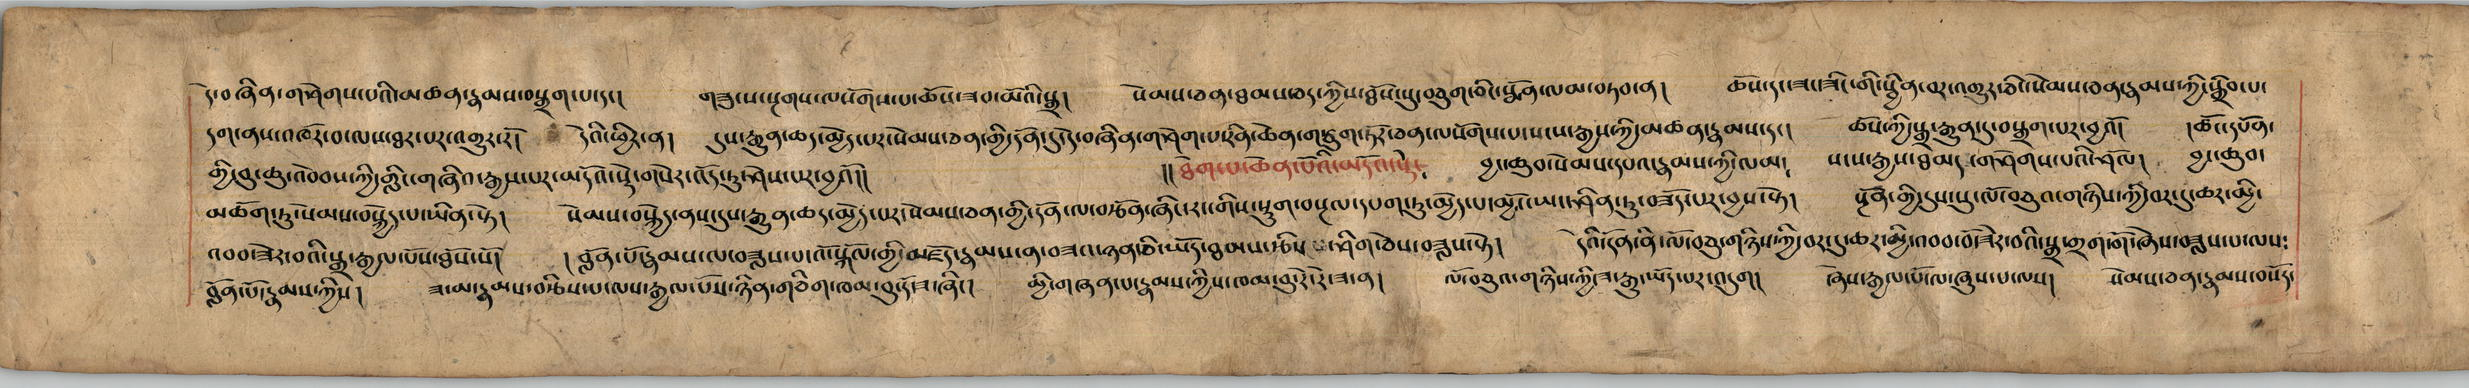དེ་བཞིན་གཤེགས་པའི་མཚན་རྣམས་བསྒྲག་པ་དང། གཟུངས་སྔགས་ལསོགས་པ་ཆོས་ཟབ་མོའི་སྒྲ། སེམས་ཅན་ཐམས་ཅད་ཀྱིས་ཐོས་སུ་བཅུག་ཅིང་སྨོན་ལམ་བཏབ་ན། ཆོས་དང་ཟང་ཟིང་གི་སྦྱིན་བར་འགྱུར་ཅིང་སེམས་ཅན་རྣམས་ཀྱི་སྒྲིབ་པ་
དག་ནས་འཁོར་བ་ལས་ཐར་པར་འགྱུར་རོ། དེའི་ཕྱིར་ན། དུས་རྒྱུན་ཆད་མྱེད་པར་སེམས་ཅན་གྱི་དོན་དུ་དེ་བཞཱིན་གཤེགས་པ་རིན་ཆེན་གཟུག་ཏོར་ཅན་ལསོགས་པ་སངས་རྒྱས་ཀྱི་མཚན་རྣམས་དང། ཆོས་ཀྱི་སྒར་རྒྱུན་དུ་བསྒྲག་པར་བྱའོ། །ཚོང་དཔན་
གྱི་བུ་ཆུ་འབེབས་ཀྱི་གལིང་གཞིའ་རྒྱས་པར་མདོའ་སྡེ་གསེར་འོད་ཏུ་ཤེས་པར་བྱའོ།། །ཐེག་པ་ཆེན་པོའི་མདོའ་སྡེ་ བྱང་ཆུབ་སེམས་དཔའ་རྣམས་ཀྱི་ལམ༴ སངས་རྒྱས་ཐམད་གཤེགས་པའི་ཤོལ། བྱང་ཆུབ་
མཆོག་ཏུ་སེམས་བསྐྱེད་པ་ཡིན་སྟེ། སེམས་བསྐྱེད་ནས་དུས་རྒྱུན་ཆད་མྱེད་པར་སེམས་ཅན་གྱི་དོན་ལ་བརྩོན་ཞིང་རང་གིས་སྡུག་བསྔལ་དཔག་དུ་མྱེད་པ་མྱོང་ཡང་ཤིན་ཏུ་བཟོད་པར་བྱས་སྟེ། སྔོན་གྱི་དུས་སུ་ལོ་བཅུའ་གཉིས་ཀྱི་བར་དུ་ཆར་མྱི་
འབབ་ཟེར་བའི་སྒར་རྒྱལ་པོས་ཐོས་སོ། །བློན་པོ་རྣམས་ལ་བཟླས་པ་འོ་སྐོལ་གྱི་མཛོད་རྣམས་ན་བཟའ་ཉན་ཅིང་ཡོད་ཐམས་རྩིས་ཤིག་ཅེས་བཟླས་སྟེ། དེའི་དོན་ནི་ལོ་བཅུ་གཉིས་ཀྱི་བར་དུ་ཆར་མྱི་འབབ་བ་ཟེར་བའི་བའི་སྒྲ་གྲག་གོ་ཞེས་བཟླ་པ་ལས༴
བློན་པོ་རྣམས་ཀྱིས། ཟ་མ་རྣམས་བརྩིས་པ་ལས་རྒྱལ་པོས་ཉོན་གཅིག་ཁམ་བུ་དོ་ཟ་ཞིང། མྱི་གཞན་པ་རྣམས་ཀྱིས་ཁམ་བུ་རེ་རེ་ཟ་ན། ལོ་བཅུའ་གཉིས་ཀྱི་ཟ་རྒྱུ་ཡོད་པར་འདུག། ཞེས་རྒྱལ་པོ་ལ་ཞུས་པ་ལས། སེམས་ཅན་རྣམས་བསོད་